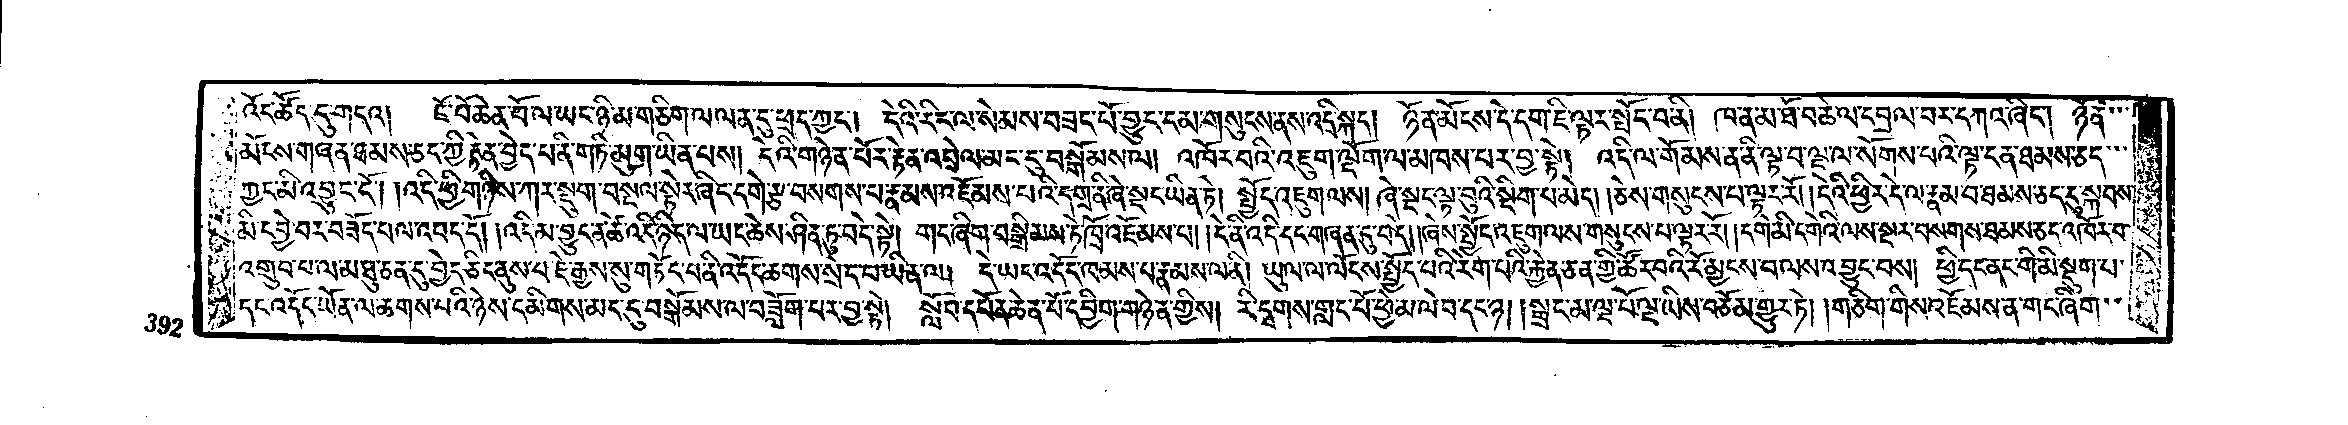འོང་ཚོད་དུ་གདའ། ཇོ་བོ་ཆེན་པོ་ལ་ཡང་ཉི་མ་གཅིག་ལ་ལན་དུ་ཕྲད་ཀྱང་། དེའི་རིང་ལ་སེམས་བཟང་པོ་བྱུང་ངམ་གསུངས་ནས་འདྲི་སྐད། ཉོན་མོངས་དེ་དག་ཇི་ལྟར་སྤོང་བ་ནི། ཁ་ན་མ་ཐོ་བ་ཆེ་ལ་དབྲལ་བར་དཀའ་ཞིང་། ཉོན་
མོངས་གཞན་ཐམས་ཅད་ཀྱི་རྟེན་བྱེད་པ་ནི་གཏི་མུག་ཡིན་པས། དེའི་གཉེན་པོར་རྟེན་འབྲེལ་མང་དུ་བསྒོམས་ལ། འཁོར་བའི་འཇུག་ལྡོག་ལ་མཁས་པར་བྱ་སྟེ། འདི་ལ་གོམས་ན་ནི་ལྟ་བ་ལྔ་ལ་སོགས་པའི་ལྟ་ངན་ཐམས་ཅད་
ཀྱང་མི་འབྱུང་ངོ། །འདི་ཕྱི་གཉིས་ཀར་སྡུག་བསྔལ་སྟེར་ཞིང་དགེ་རྩ་བསགས་པ་རྣམས་འཇོམས་པའི་དགྲ་ནི་ཞེ་སྡང་ཡིན་ཏེ། སྤྱོད་འཇུག་ལས། ཞེ་སྡང་ལྟ་བུའི་སྡིག་པ་མེད། །ཅེས་གསུངས་པ་ལྟར་རོ། །དེའི་ཕྱིར་དེ་ལ་རྣམ་པ་ཐམས་ཅད་དུ་སྐབས་
མི་དབྱེ་བར་བཟོད་པ་ལ་འབད་དོ། །འདི་མ་བྱུང་ན་ཚེ་འདི་ཉིད་ལ་ཡང་ཆེས་ཤིན་ཏུ་བདེ་སྟེ། གང་ཞིག་བསྒྲིམས་ཏེ་ཁྲོ་འཇོམས་པ། །དེ་ནི་འདི་དང་གཞན་དུ་བདེ། །ཞེས་སྤྱོད་འཇུག་ལས་གསུངས་པ་ལྟར་རོ། །དགེ་མི་དགེའི་ལས་སྔར་བསགས་ཐམས་ཅད་འཁོར་བ་
འགྲུབ་པ་ལ་མཐུ་ཅན་དུ་བྱེད་ཅིང་ནུས་པ་ཇེ་རྒྱས་སུ་གཏོང་བ་ནི་འདོད་ཆགས་སྲེད་པ་ཡིན་ལ། དེ་ཡང་འདོད་ཁམས་པ་རྣམས་ལ་ནི། ཡུལ་ལ་ལོངས་སྤྱོད་པའི་རེག་པའི་རྐྱེན་ཅན་གྱི་ཚོར་བའི་རོ་མྱངས་པ་ལས་འབྱུང་བས། ཕྱི་དང་ནང་གི་མི་སྡུག་པ་
དང་འདོད་ཡོན་ལ་ཆགས་པའི་ཉེས་དམིགས་མང་དུ་བསྒོམས་ལ་བཟློག་པར་བྱ་སྟེ། སློབ་དཔོན་ཆེན་པོ་དབྱིག་གཉེན་གྱིས། རི་དྭགས་གླང་པོ་ཕྱེ་མ་ལེབ་དང་ཉ། །སྦྲང་མ་ལྔ་པོ་ལྔ་ཡིས་བཅོམ་གྱུར་ཏེ། །གཅིག་གིས་འཇོམས་ན་གང་ཞིག་